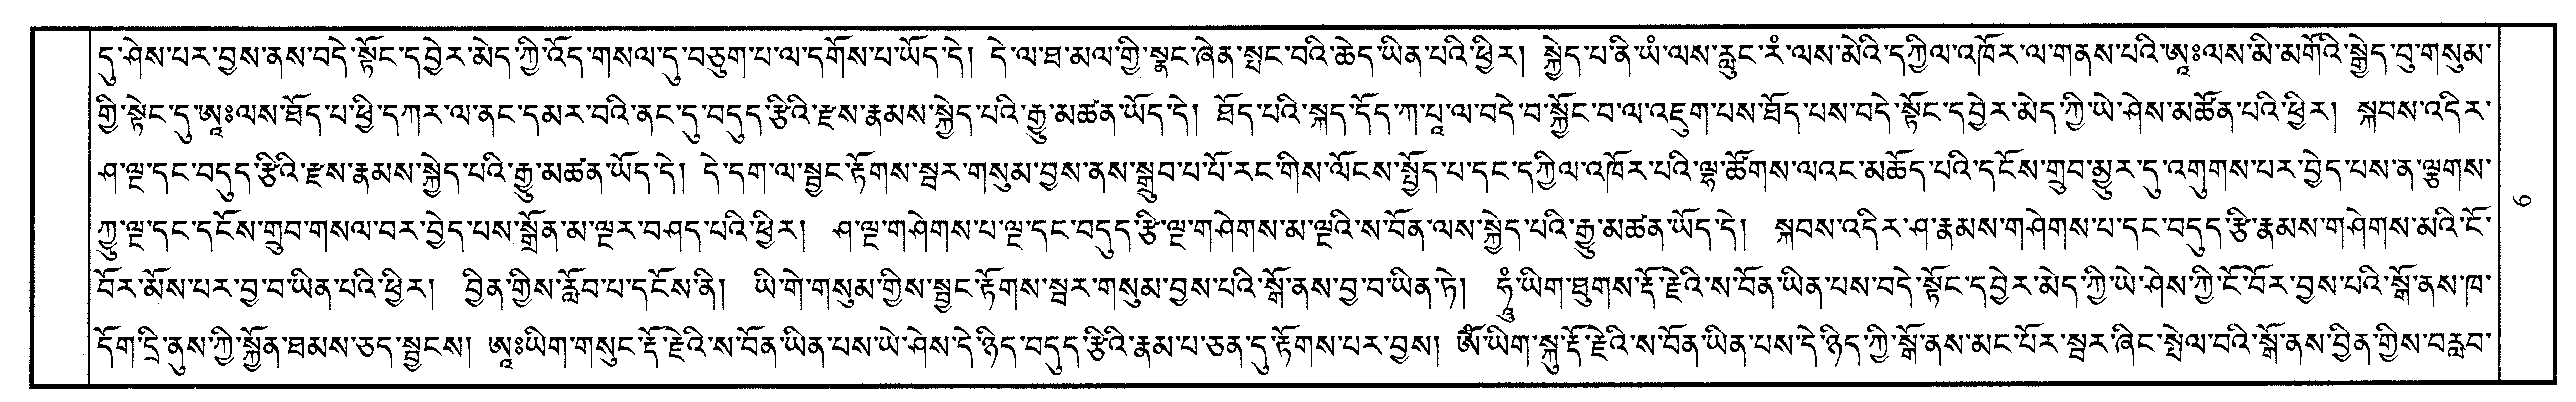དུ་ཤེས་པར་བྱས་ནས་བདེ་སྟོང་དབྱེར་མེད་ཀྱི་འོད་གསལ་དུ་བཅུག་པ་ལ་དགོས་པ་ཡོད་དེ། དེ་ལ་ཐ་མལ་གྱི་སྣང་ཞེན་སྤང་བའི་ཆེད་ཡིན་པའི་ཕྱིར། སྐྱེད་པ་ནི་ཡཾ་ལས་རླུང་རཾ་ལས་མེའི་དཀྱིལ་འཁོར་ལ་གནས་པའི་ཨཱཿ ལས་མི་མགོའི་སྒྱེད་བུ་གསུམ་
གྱི་སྟེང་དུ་ཨཱཿ ལས་ཐོད་པ་ཕྱི་དཀར་ལ་ནང་དམར་བའི་ནང་དུ་བདུད་རྩིའི་རྫས་རྣམས་སྐྱེད་པའི་རྒྱུ་མཚན་ཡོད་དེ། ཐོད་པའི་སྐད་དོད་ཀ་པཱ་ལ་བདེ་བ་སྐྱོང་བ་ལ་འཇུག་པས་ཐོད་པས་བདེ་སྟོང་དབྱེར་མེད་ཀྱི་ཡེ་ཤེས་མཚོན་པའི་ཕྱིར། སྐབས་འདིར་
ཤ་ལྔ་དང་བདུད་རྩིའི་རྫས་རྣམས་སྐྱེད་པའི་རྒྱུ་མཚན་ཡོད་དེ། དེ་དག་ལ་སྦྱང་རྟོགས་སྦར་གསུམ་བྱས་ནས་སྒྲུབ་པ་པོ་རང་གིས་ལོངས་སྤྱོད་པ་དང་དཀྱིལ་འཁོར་པའི་ལྷ་ཚོགས་ལའང་མཆོད་པའི་དངོས་གྲུབ་མྱུར་དུ་འགུགས་པར་བྱེད་པས་ན་ལྕགས་
ཀྱུ་ལྔ་དང་དངོས་གྲུབ་གསལ་བར་བྱེད་པས་སྒྲོན་མ་ལྔར་བཤད་པའི་ཕྱིར། ཤ་ལྔ་གཤེགས་པ་ལྔ་དང་བདུད་རྩི་ལྔ་གཤེགས་མ་ལྔའི་ས་བོན་ལས་སྐྱེད་པའི་རྒྱུ་མཚན་ཡོད་དེ། སྐབས་འདིར་ཤ་རྣམས་གཤེགས་པ་དང་བདུད་རྩི་རྣམས་གཤེགས་མའི་ངོ་
བོར་མོས་པར་བྱ་བ་ཡིན་པའི་ཕྱིར། བྱིན་གྱིས་རློབ་པ་དངོས་ནི། ཡི་གེ་གསུམ་གྱིས་སྦྱང་རྟོགས་སྦར་གསུམ་བྱས་པའི་སྒོ་ནས་བྱ་བ་ཡིན་ཏེ། ཧཱུཾ་ཡིག་ཐུགས་རྡོ་རྗེའི་ས་བོན་ཡིན་པས་བདེ་སྟོང་དབྱེར་མེད་ཀྱི་ཡེ་ཤེས་ཀྱི་ངོ་བོར་བྱས་པའི་སྒོ་ནས་ཁ་
དོག་དྲི་ནུས་ཀྱི་སྐྱོན་ཐམས་ཅད་སྦྱངས། ཨཱཿ ཡིག་གསུང་རྡོ་རྗེའི་ས་བོན་ཡིན་པས་ཡེ་ཤེས་དེ་ཉིད་བདུད་རྩིའི་རྣམ་པ་ཅན་དུ་རྟོགས་པར་བྱས། ཨོཾ་ཡིག་སྐུ་རྡོ་རྗེའི་ས་བོན་ཡིན་པས་དེ་ཉིད་ཀྱི་སྒོ་ནས་མང་པོར་སྦར་ཞིང་སྤེལ་བའི་སྒོ་ནས་བྱིན་གྱིས་བརླབ་